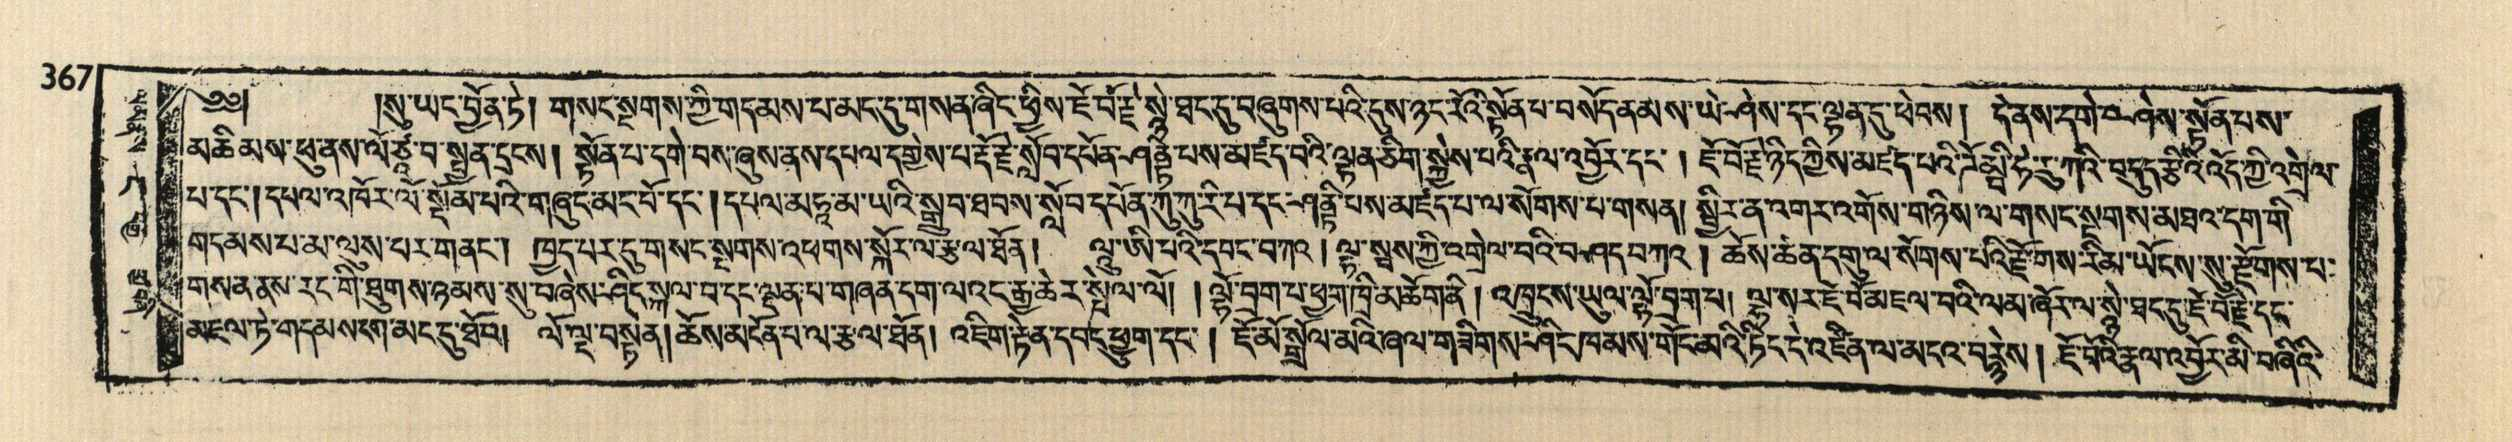༄༅། །སུ་ཡང་བྱོན་ཏེ། གསང་སྔགས་ཀྱི་གདམས་པ་མང་དུ་གསན་ཞིང་ཕྱིས་ཇོ་བོ་རྗེ་སྙེ་ཐང་དུ་བཞུགས་པའི་དུས་ཉང་རོའི་སྟོན་པ་བསོད་ནམས་ཡེ་ཤེས་དང་ལྷན་དུ་ཕེབས། དེ་ནས་དགེ་བཤེས་སྟོན་པས་
མཆིམས་ཕུ་ནས་ལོ་ཙཱ་བ་སྤྱན་དྲངས། སྟོན་པ་དགེ་བས་ཞུས་ནས་དཔལ་དགྱེས་པ་རྡོ་རྗེ་སློབ་དཔོན་ཤནྟི་པས་མཛད་བའི་ལྷན་ཅིག་སྐྱེས་པའི་རྣལ་འབྱོར་དང་། ཇོ་བོ་རྗེ་ཉིད་ཀྱིས་མཛད་པའི་ཌོམྦི་ཧེ་རུ་ཀའི་བདུད་རྩིའི་འོད་ཀྱི་འགྲེལ་
པ་དང་། དཔལ་འཁོར་ལོ་སྡོམ་པའི་གཞུང་མང་པོ་དང་། དཔལ་མཧཱ་མ་ཡའི་སྒྲུབ་ཐབས་སློབ་དཔོན་ཀུ་ཀུ་རི་པ་དང་ཤནྟི་པས་མཛད་པ་ལ་སོགས་པ་གསན། སྦྱིར་ན་འགར་འགོས་གཉིས་ལ་གསང་སྔགས་མཐའ་དག་གི་
གདམས་པ་མ་ལུས་པར་གནང་། ཁྱད་པར་གསང་སྔགས་འཕགས་སྐོར་ལ་རྩལ་ཐོན། ལཱུ་ཨི་པའི་དབང་བཀའ། ལྷ་སྦས་ཀྱི་འགྲེལ་བའི་བཤད་བཀའ། ཆོས་ཆེན་དགུ་ལ་སོགས་པའི་རྫོགས་རིམ་ཡོངས་སུ་རྫོགས་པ་
གསན་ནས་རང་གི་ཐུགས་ཉམས་སུ་བཞེས་ཤིང་སྐལ་བ་དང་ལྡན་པ་གཞན་དག་ལའང་རྒྱ་ཆེར་སྤེལ་ལོ། །ལྷོ་བྲག་པ་ཕྱག་ཁྲི་མཆོག་ནི། འཁྲུངས་ཡུལ་ལྷོ་བྲག་པ། ལྷ་སར་ཇོ་བོ་མཇལ་བའི་ལམ་ཞོར་ལ་སྙེ་ཐང་དུ་ཇོ་བོ་རྗེ་དང་
མཇལ་ཏེ་གདམས་ངག་མང་དུ་ཐོབ། ལོ་ལྔ་བསྟེན། ཆོས་མངོན་པ་ལ་རྩལ་ཐོན། འཇིག་རྟེན་དབང་ཕྱུག་དང་། ཇོ་མོ་སྒྲོལ་མའི་ཞལ་གཟིགས་ཤིང་ཁམས་གོང་མའི་ཏིང་ངེ་འཛིན་ལ་མངའ་བརྙེས། ཇོ་བོའི་རྣལ་འབྱོར་མི་བཞིའི་